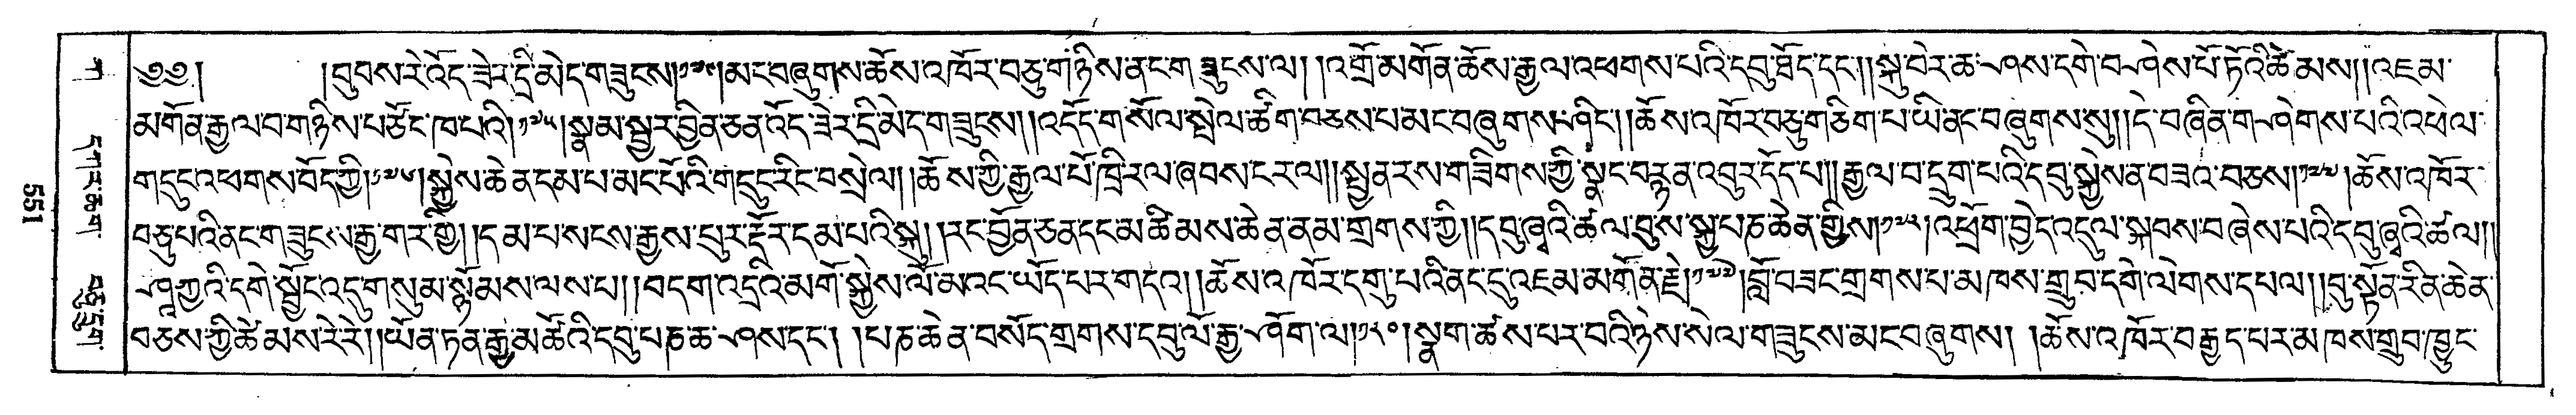༄༅། །བུ་བས་རེ་འོད་ཟེར་དྲི་མེད་གཟུངས། ༡༧༤་།མང་བཞུགས་ཆོས་འཁོར་བཅུ་གཉིས་ནང་གཟུངས་ལ། །འགྲོ་མགོན་ཆོས་རྒྱལ་འཕགས་པའི་དབུ་ཐོད་དང་། །སྐུ་བེར་ཆ་ཤས་དགེ་བཤེས་པོ་ཏོའི་ཚེམས། །འཇམ་
མགོན་རྒྱལ་བ་གཉིས་པ་ཙོང་ཁ་པའི། ༡༧༥་།སྣམ་སྦྱར་བྱིན་ཅན་འོད་ཟེར་དྲི་མེད་གཟུངས། །འདོད་གསོལ་སྤེལ་ཚིག་བཅས་པ་མང་བཞུགས་ཤིང་། །ཆོས་འཁོར་བཅུ་གཅིག་པ་ཡི་ནང་བཞུགས་སུ། །དེ་བཞིན་གཤེགས་པའི་འཕེལ་
གདུང་འཕགས་བོད་ཀྱི། ༡༧༦་།སྐྱེས་ཆེན་དམ་པ་མང་པོའི་གདུང་རིང་བསྲེལ། །ཆོས་ཀྱི་རྒྱལ་པོ་ཁྲི་རལ་ཞབས་དར་ལ། །སྤྱན་རས་གཟིགས་ཀྱི་སྣད་བརྙན་འབུར་དོད་པ། །རྒྱལ་བ་དྲུག་པའི་དབུ་སྐྱེས་ན་བཟའ་བཅས། ༡༧༧་།ཆོས་འཁོར་
བཅུ་པའི་ནང་གཟུངས་རྒྱ་གར་གྱི། །དམ་པ་སངས་རྒྱས་པུར་རྡོར་དམ་པའི་སྐུ། །རང་བྱོན་ཅན་དང་མཆིམས་ཆེན་ནམ་གྲགས་ཀྱི། །དབུ་ཞའི་ཚལ་བུ་ས་སྐྱ་པཎ་ཆེན་གྱིས། ༡༧༨་།འཕྲོག་བྱེད་འདུལ་སྐབས་བཞེས་པའི་དབུ་ཞྭའི་ཚལ། །
ཤཱཀྱའི་དགེ་སྦྱོང་འདུ་གསུམ་སྙོམས་ལས་པ། །བདག་འདྲའི་མགོ་སྐྱེས་ལོ་མའང་ཡོད་པར་གདའ། །ཆོས་འཁོར་དགུ་པའི་ནང་དུ་འཇམ་མགོན་རྗེ། ༡༧༧་།བློ་བཟང་གྲགས་པ་མཁས་གྲུབ་དགེ་ལེགས་དཔལ། །བུ་སྟོན་རིན་ཆེན་
བཅས་ཀྱི་ཚེམས་རེ་རེ། །ཡོན་ཏན་རྒྱ་མཚོའི་དབུ་པཎ་ཆ་ཤས་དང་། །པཎ་ཆེན་བསོད་གྲགས་དབུ་ལོ་རྒྱ་ཤོག་ལ། ༡༨༠་།སྣག་ཚས་པར་བའི་ཉེས་སེལ་གཟུངས་མང་བཞུགས། །ཆོས་འཁོར་བརྒྱད་པར་མཁས་གྲུབ་ཁྱུད་